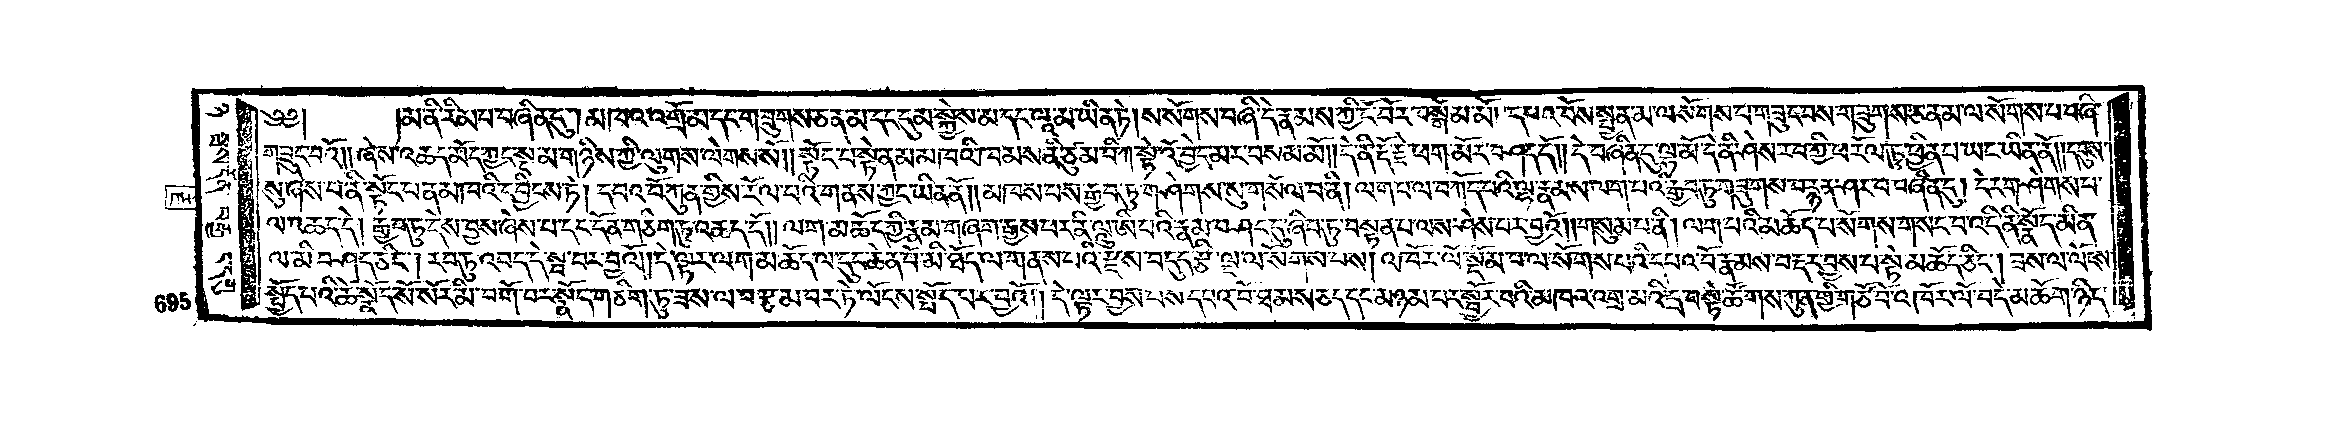༄༅། །མ་ནི་རིམ་པ་བཞིན་དུ། མཁའ་འགྲོ་མ་དང་གཟུགས་ཅན་མ་དང་དུམ་སྐྱེས་མ་དང་ལཱ་མ་ཡིན་ཏེ། ས་སོགས་བཞི་དེ་རྣམས་ཀྱི་ངོ་བོར་བསྒོམ་མོ། །དཔའ་བོས་སྤྱན་མ་ལ་སོགས་པ་གཟུང་བས་གཟུགས་ཅན་མ་ལ་སོགས་པ་བཞི་
གཟུང་བའོ། །ཞེས་འཆད་མོད་ཀྱང་སྔ་མ་གཉིས་ཀྱི་ལུགས་ལེགས་སོ། །སྟོང་པ་སྟེ་ནམ་མཁའི་ཁམས་ནི་ཙུམ་བི་ཀ་སྟེ་འོ་བྱེད་མར་བསམ་མོ། །དེ་ནི་རྡོ་རྗེ་ཕག་མོར་བཤད་དོ། །དེ་བཞིན་དུ་ལྷ་མོ་དེ་ནི་ཤེས་རབ་ཀྱི་ཕ་རོལ་ཏུ་ཕྱིན་པ་ཡང་ཡིན་ནོ། །དབུས་
སུ་ཞེས་པ་ནི་སྟོང་པ་ནམ་མཁའི་དབྱིངས་ཏེ། དཔའ་བོ་ཀུན་གྱིས་རོལ་པའི་གནས་ཀྱང་ཡིན་ནོ། །མཁས་པས་རྒྱབ་ཏུ་གཤེགས་སུ་གསོལ་བ་ནི། ལག་པ་ལ་བཀོད་པའི་ལྷ་རྣམས་ལག་པའི་རྒྱབ་ཏུ་གཟུགས་བརྙན་ཤར་བ་བཞིན་དུ། དེར་གཤེགས་པ་
ལ་འཆད་དེ། རྒྱབ་ཏུ་དེས་བྱས་ཞེས་པ་དང་དོན་གཅིག་ཏུ་འཆད་དོ། །ལག་མཆོད་ཀྱི་རྣམ་གཞག་རྒྱས་པར་ནི་ལཱུ་ཨི་པའི་རྣམ་བཤད་དུ་ཞིབ་ཏུ་བསྟན་པ་ལས་ཤེས་པར་བྱའོ། །གསུམ་པ་ནི། ལག་པའི་མཆོད་པ་སོགས་གསང་བ་འདི་ནི་སྣོད་མིན་
ལ་མི་བཤད་ཅིང་། རབ་ཏུ་འབད་དེ་སྦ་བར་བྱའོ། །དེ་ལྟར་ལག་མཆོད་ལ་དུང་ཆེན་པོ་མི་ཐོད་ལ་གནས་པའི་རྫས་བདུད་རྩི་ལྔ་ལ་སོགས་པས། འཁོར་ལོ་སྡོམ་པ་ལ་སོགས་པའི་དཔའ་བོ་རྣམས་བརྡར་བྱས་པ་སྟེ་མཆོད་ཅིང་། ཟས་ལ་ལོངས་
སྤྱོད་པའི་ཚེ་སྣོད་སོ་སོར་མི་བགོ་བར་སྣོད་གཅིག་ཏུ་ཟས་ལ་བརྩམ་བར་ཏེ་ལོངས་སྤྱོད་པར་བྱའོ། །དེ་ལྟར་བྱས་པས་དཔའ་བོ་ཐམས་ཅད་དང་མཉམ་པར་སྦྱོར་བའི་མཁའ་འགྲོ་མའི་དྲ་བ་སྟེ་ཚོགས་ཀུན་གྱི་གཙོ་བོ་འཁོར་ལོ་བདེ་མཆོག་ཉིད་